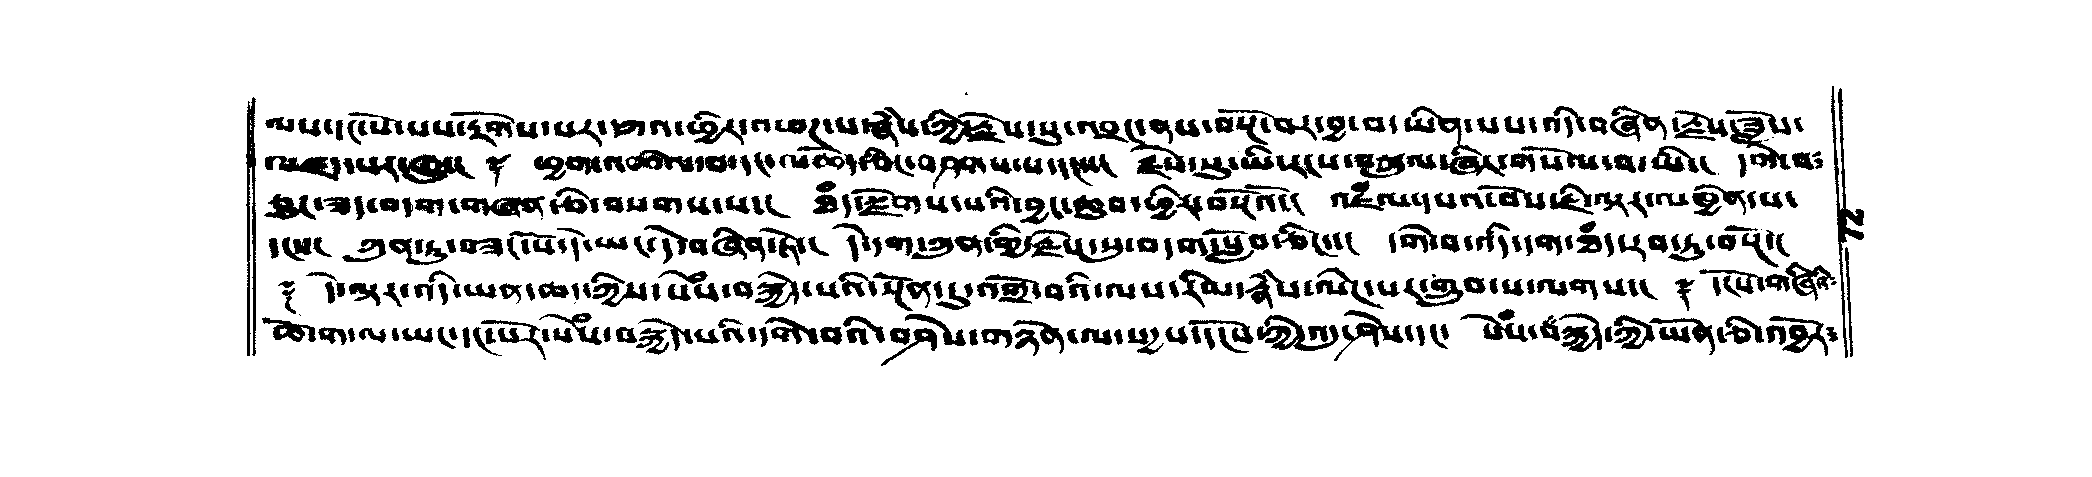ལས་དང་པོ་པས་རྟོགས་པར་དཀའ་ཕྱིར་འཕགས་པ་རྣམས་ཀྱི་རྗེས་སུ་འབྲང་ནས་བསྔོ་བར་བྱ་བ་ཡིན་པས་འདི་བཞིན་རྗེས་ཟློས་
མཛད་པར་ཞུ། ༈ཕྱག་འཚལ་བ་དང་མཆོད་ཅིང་བཤགས་པ་དངས། རྗེས་སུ་ཡི་རངས་བསྐུལ་ཞིང་གསོལ་བ་ཡི། དགེ་བ་
ཅུང་ཟད་བདག་གཞན་ཅི་བསགས་པ། ཐམས་ཅད་རྫོགས་པའི་བྱང་ཆུབ་ཕྱིར་བསྔོའོ། འཇམ་དཔལ་དཔའ་བོས་ཇི་ལྟར་མཁྱེན་པ་
དངས། ཀུན་ཏུ་བཟང་པོ་དེ་ཡང་དེ་བཞིན་ཏེ། དེ་དག་ཀུན་གྱི་རྗེས་སུ་བདག་སློབ་ཅིང་། དགེ་བ་འདི་དག་ཐམས་ཅད་རབ་ཏུ་བསྔོ། 
༈ དེ་ལྟར་འདི་ཡན་ཆད་ཀྱིས་སེམས་བསྐྱེད་པའི་སྔོན་དུ་འགྲོ་བའི་ལས་རིམ་རྣམས་ལེགས་པར་གྲུབ་པ་ལགས། ༈ དངོས་གཞིའི་
ཆོ་ག་ལ་ཡང་དང་པོར་སེམས་བསྐྱེད་པའི་དགེ་བའི་བཤེས་གཉེན་ལ་སངས་རྒྱས་དངོས་ཀྱི་འདུ་ཤེས་དང་། སེམས་སྐྱེད་ཀྱི་ཡོན་ཅི་འབྱོར་